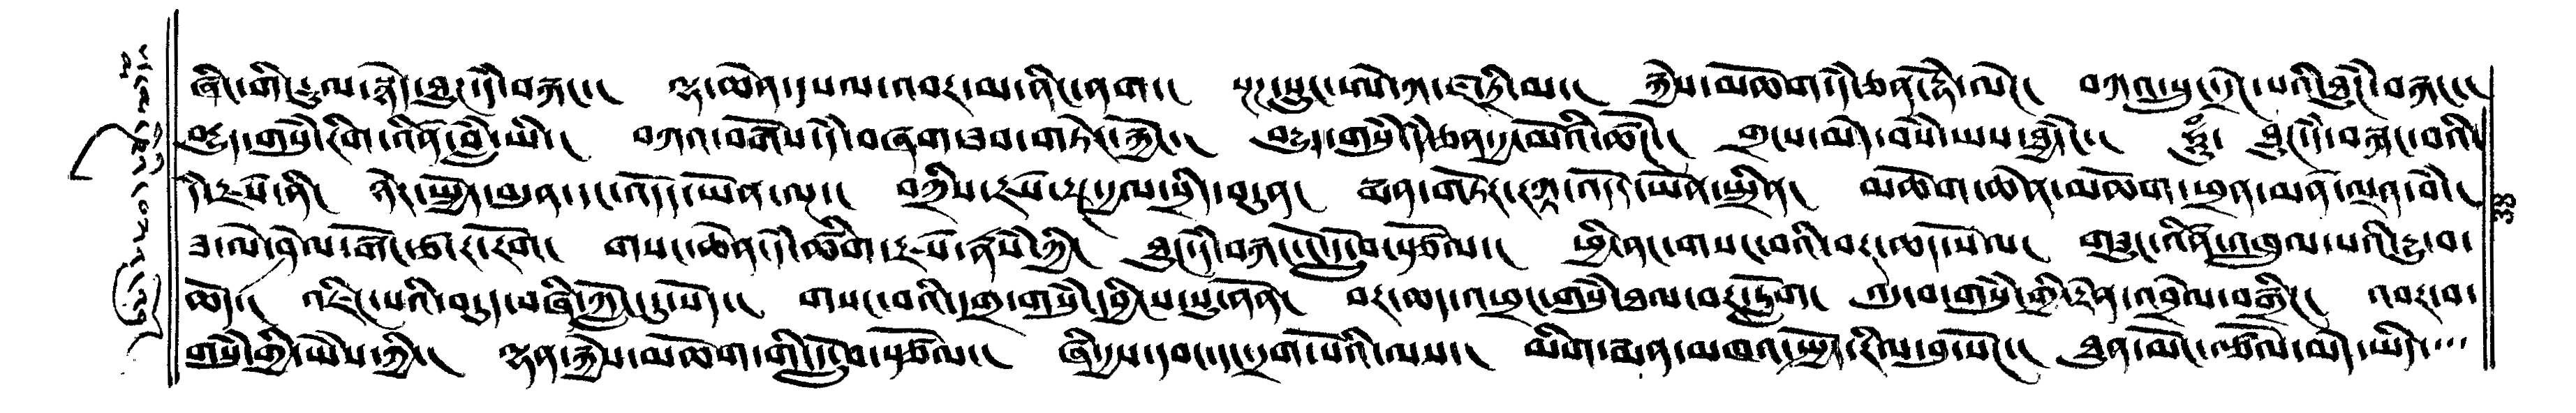།ཞིང་གི་རྡུལ་སྙེད་ཐུགས་དམ་བསྐང་། །ལྷ་ཆེན་དཔལ་འབར་མ་ནིང་ནག །སྔགས་སྲུང་ཨེ་ཀ་ཛ་ཏྲི་མ། །སྐྱེས་མཆོག་དམ་ཅན་རྡོ་རྗེ་ལེགས། །བཀའ་སྲུང་དྲེགས་པའི་ཐུགས་དམ་བསྐང་། །
བརྒྱུད་གསུམ་རིག་འཛིན་བླ་མ་ཡིས། །བཀའ་བསྒོས་དམ་བཞག་ཟབ་གཏེར་སྐྱོང་། །བརྒྱུད་གསུམ་དམ་ཅན་རྒྱ་མཚོའི་ཚོགས། །གྲངས་མེད་བསམ་ཡས་ཐམས་ཅད་དང་།ཧཱུྃ། ཐུགས་དམ་བསྐང་བའི་
དམ་རྫས་ནི། །ཉེར་སྤྱོད་བདུན་དང་འདོད་ཡོན་ལྔ། །བཀྲ་ཤིས་རྫས་རྟགས་རྒྱལ་སྲིད་བདུན། །སྨན་གཏོར་རཀྟ་འདོད་ཡོན་སྤྲིན། །མཆོག་ཆེན་མཆོག་ཕྲན་མཚན་ལྡན་བམ། །
ཟ་ལེ་ཤེལ་སྒོང་ཙ་ར་རོག །གསང་ཆེན་དམ་ཚིག་རྫས་རྣམས་ཀྱི། །ཐུགས་དམ་བསྐང་ངོ་དངོས་གྲུབ་སྩོལ། །ཕྱི་ནང་གསང་བའི་བར་ཆད་སོལ། །གཟུང་འཛིན་འཁྲུལ་པའི་རྒྱུ་བ་
ཆོད། །འཇིགས་པའི་བདུད་བཞི་ཀློང་དུ་སོད། །གསང་བའི་དགྲ་གསུམདབྱིངས་སུ་ནོན། །བར་ཆད་འཕྲང་གསུམ་ཐལ་བར་རློགས། །འདུ་བ་གསུམ་གྱི་རྟེན་འབྲེལ་སྒྲིགས། །འབར་བ་
གསུམ་གྱི་ཡེ་ཤེས་ཀྱི། །ལྷན་སྐྱེས་མཆོག་གི་དངོས་གྲུབ་སྩོལ། །ཞི་རྒྱས་དབང་དང་དྲག་པོའི་ལས། །མིག་སྨན་མཁའ་སྤྱོད་རིལ་བུ་སོགས། །ཐུན་མོང་རྩོལ་མེད་ཡིད་